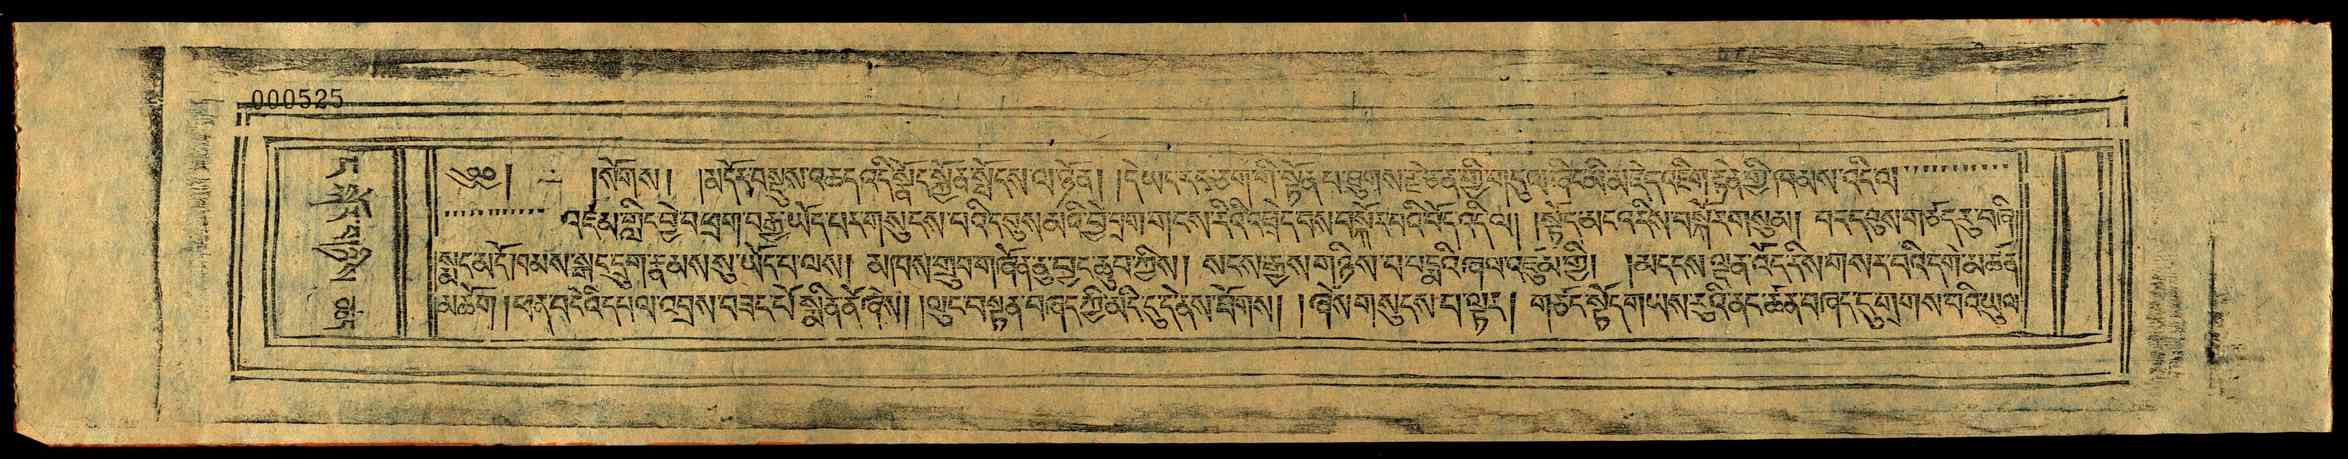༄༅། །སོགས། །མདོར་བསྡུས་འཆད་འདི་སྣོད་སྐྱོན་སྤོངས་ལ་ཉོན། །དེ་ཡང་རང་ཅག་གི་སྟོན་པ་ཐུགས་རྗེ་ཅན་གྱི་གདུལ་ཞིང་མི་མཇེད་འཇིག་རྟེན་གྱི་ཁམས་འདི་ལ་
་་་འཛམ་གླིང་བྱེ་བ་ཕྲག་བརྒྱ་ཡོད་པར་གསུངས་པའི་དབུས་མའི་བྱེ་བྲག་གངས་རིའི་འཕྲེང་བས་བསྐོར་བའི་བོད་འདི་ལ། །སྟོད་མངའ་རིགས་བསྐོར་གསུམ། བར་དབུས་གཙང་རུ་བཞི་
སྨད་མདོ་ཁམས་སྒང་དྲུག་རྣམས་སུ་ཡོད་པ་ལས། མཁས་གྲུབ་གཞོན་ནུ་བྱང་ཆུབ་ཀྱིས། སངས་རྒྱས་གཉིས་པ་པདམའི་ཞལ་འཛུམ་གྱི། །མདངས་ལྡན་འོད་རིས་གསར་པའི་དགེ་མཚན་
མཆོག །ཕན་བདེའི་དཔལ་འབྲས་བཟང་པོ་སྨིན་ནོ་ཞེས། །ལུང་བསྟན་བཞད་ཀྱི་མིང་དུ་དེ་ནས་ཐོགས། །ཞེས་གསུངས་པ་ལྟར། གཙང་སྟོད་གཡས་རུའི་ནང་ཚན་བཞད་དུ་གྲགས་པའི་ཡུལ་